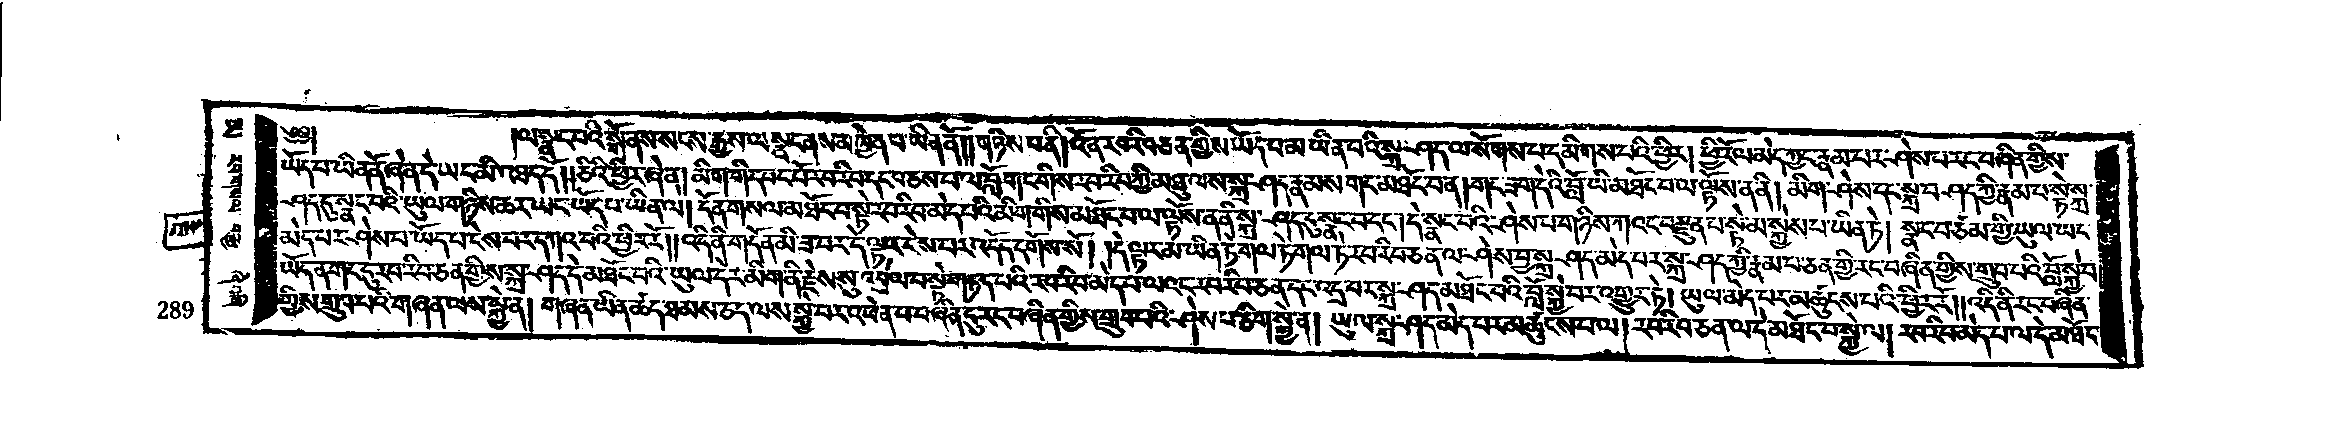༄༅། །ལ་སྣང་བའི་སྒོ་ནས་སངས་རྒྱས་ལ་སྣང་ནས་མཁྱེན་པ་ཡིན་ནོ། །གཉིས་པ་ནི། འོ་ན་རབ་རིབ་ཅན་གྱིས་ཡོད་པ་མ་ཡིན་པའི་སྐྲ་ཤད་ལ་སོགས་པ་དམིགས་པའི་ཕྱིར། ཕྱི་རོལ་མེད་ཀྱང་རྣམ་པར་ཤེས་པ་རང་བཞིན་གྱིས་
ཡོད་པ་ཡིན་ནོ་ཞེ་ན་དེ་ཡང་མི་འཐད་དོ། །ཅིའི་ཕྱིར་ཞེ་ན། མིག་གི་དབང་པོ་རབ་རིབ་དང་བཅས་པ་ལ་བློ་གང་གིས་རབ་རིབ་ཀྱི་མཐུ་ལས་སྐྲ་ཤད་རྣམས་གང་མཐོང་བ་ན། གང་ཟག་དེའི་བློ་ཡི་མཐོང་བ་ལ་ལྟོས་ན་ནི། མིག་ཤེས་དང་སྐྲ་བཤད་ཀྱི་རྣམ་པ་སྟེ་སྐྲ་
ཤད་དུ་སྣང་བའི་ཡུལ་གཉིས་ཆར་ཡང་ཡོད་པ་ཡིན་ལ། དོན་གསལ་མཐོང་བ་སྟེ་རབ་རིབ་མེད་པའི་མིག་གིས་མཐོང་བ་ལ་ལྟོས་ན་ནི་སྐྲ་ཤད་དུ་སྣང་བ་དང་། དེ་སྣང་བའི་ཤེས་པ་གཉིས་ཀའང་བརྫུན་པ་སྟེ་མ་སྐྱེས་པ་ཡིན་ཏེ། སྣང་བ་ཙམ་གྱི་ཡུལ་ཡང་
མེད་པར་ཤེས་པ་ཡོད་པ་ངེས་པར་དཀའ་བའི་ཕྱིར་རོ། །འདི་ནི་གདོན་མི་ཟ་བར་དེ་ལྟར་ངེས་པར་འདོད་དགོས་སོ། །དེ་ལྟར་མ་ཡིན་ཏེ་གལ་ཏེ་རབ་རིབ་ཅན་ལ་ཤེས་བྱ་སྐྲ་ཤད་མེད་པར་སྐྲ་ཤད་ཀྱི་རྣམ་པ་ཅན་གྱི་རང་བཞིན་གྱིས་གྲུབ་པའི་བློ་སྐྱེ་བ་
ཡོད་ན་གང་དུ་རབ་རིབ་ཅན་གྱིས་སྐྲ་ཤད་དེ་མཐོང་བའི་ཡུལ་དེར་མིག་ནི་རྗེས་སུ་འབྲེལ་བ་སྟེ་གཏད་པའི་རབ་རིབ་མེད་པ་ལའང་རབ་རིབ་ཅན་དང་འདྲ་བར་སྐྲ་ཤད་མཐོང་བའི་བློ་སྐྱེ་བར་འགྱུར་ཏེ། ཡུལ་མེད་པར་མཚུངས་པའི་ཕྱིར་རོ། །འདི་ནི་རང་བཞིན་
གྱིས་གྲུབ་པའི་གཞན་ལས་སྐྱེ་ན། གཞན་ཡིན་ཚད་ཐམས་ཅད་ལས་སྐྱེ་བར་འཕེན་པ་བཞིན་དུ་རང་བཞིན་གྱིས་གྲུབ་པའི་ཤེས་པ་ཞིག་སྐྱེ་ན། ཡུལ་སྐྲ་ཤད་མེད་པར་མཚུངས་པ་ལ། རབ་རིབ་ཅན་ལ་དེ་མཐོང་བ་སྐྱེ་ལ། རབ་རིབ་མེད་པ་ལ་དེ་མཐོང་